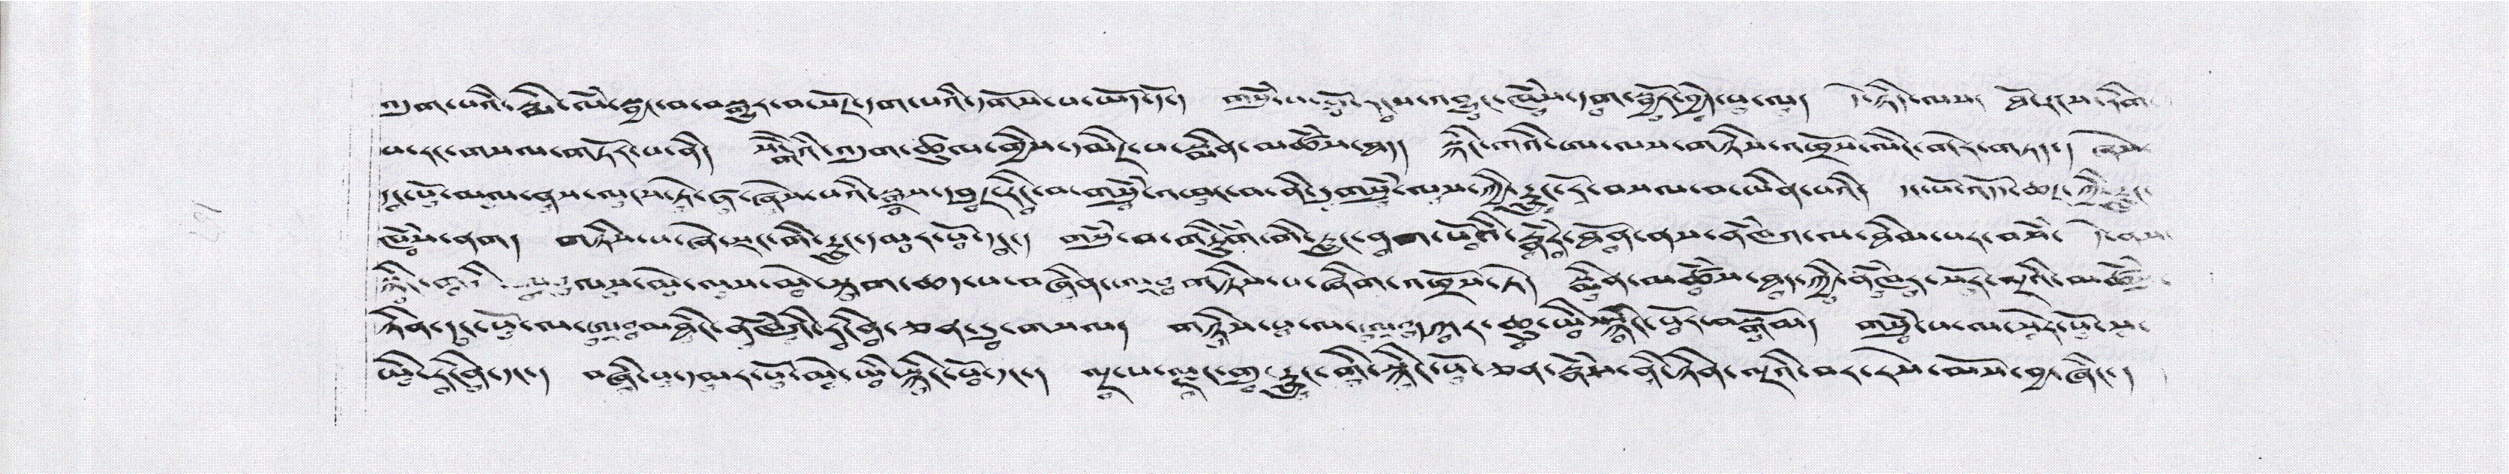འདུག་པའི་རྨི་ལམ་སྦྱང་བ་བསྒྱུར་བ་སོགས་དག་པའི་དགོས་པ་ཡོད་དོ། །གསུམ་པ་ཐོ་རངས་འབྱུང་ཁམས་དག་སྦྱོར་བྱེད་པ་ལ། དེ་ཉིད་ལས། ཐོ་རངས་རིག་
པ་རང་སར་གཏོད་པ་ནི། སེང་གེའི་འདུག་ཚུལ་གྱིས་དམིགས་པ་སྨིན་མཚམས་ཐད། སྙིང་གའི་ཨཱཿལས་གཉིས་འཕྲོས་ལིང་གེར་གཏད། ཞེས་
དང་པོ་མལ་ནས་ལངས་ཏེ་ཧཱཿཞེས་པའི་དབུགས་རིང་བ་གསུམ་འཕང་བ་ནི་དུག་གསུམ་ལས་ཀྱི་རླུང་རོ་བསལ་བ་ཡིན་པས། དང་པོ་འདོད་ཆགས་ཀྱི་རླུང་
ཁམས་ནག གཉིས་པ་ཞེ་སྡང་གི་རླུང་དམར་པོ་དང་། གསུམ་པ་གཏི་མུག་གི་རླུང་ནག་པོའི་རྣམ་པར་ཐོན་ནས་ནམ་མཁའ་ལ་ཐིམ་པར་བསམ། དེ་ནས་
སྙིང་གའི་ཨཱཿལས་མེ་ལས་མེ་སྟག་ཆད་པ་བཞིན་ཨཱཿགཉིས་པ་ཞིག་འཕྲོས་ཏེ་སྨིན་མཚམས་ཐད་ཀྱི་ནམ་མཁར་སོར་ལྔ་ཡི་མཚམས་སུ་
ཉིན་དང་པོ་ལ་ཨཱཿམཐིང་ནམ་མཁའི་རང་བཞིན་ཅན་དུ་གསལ། གཉིས་པ་ལ་ཨཱཿདཀར་ཆུ་ཡི་སྙིང་པོར་བསྒོམ། གསུམ་པ་ལ་སེར་པོ་ས་
ཡི་རང་བཞིན་དང་། བཞི་པ་དམར་པོ་མེ་ཡི་སྙིང་པོ་དང་། ལྔ་པ་ལྗང་གུ་རླུང་གི་སྙིང་པོ་ཅན་རྣམས་ནི་ཉིན་ལྔའི་བར་རེས་མོས་བྱ་ཞིང་།